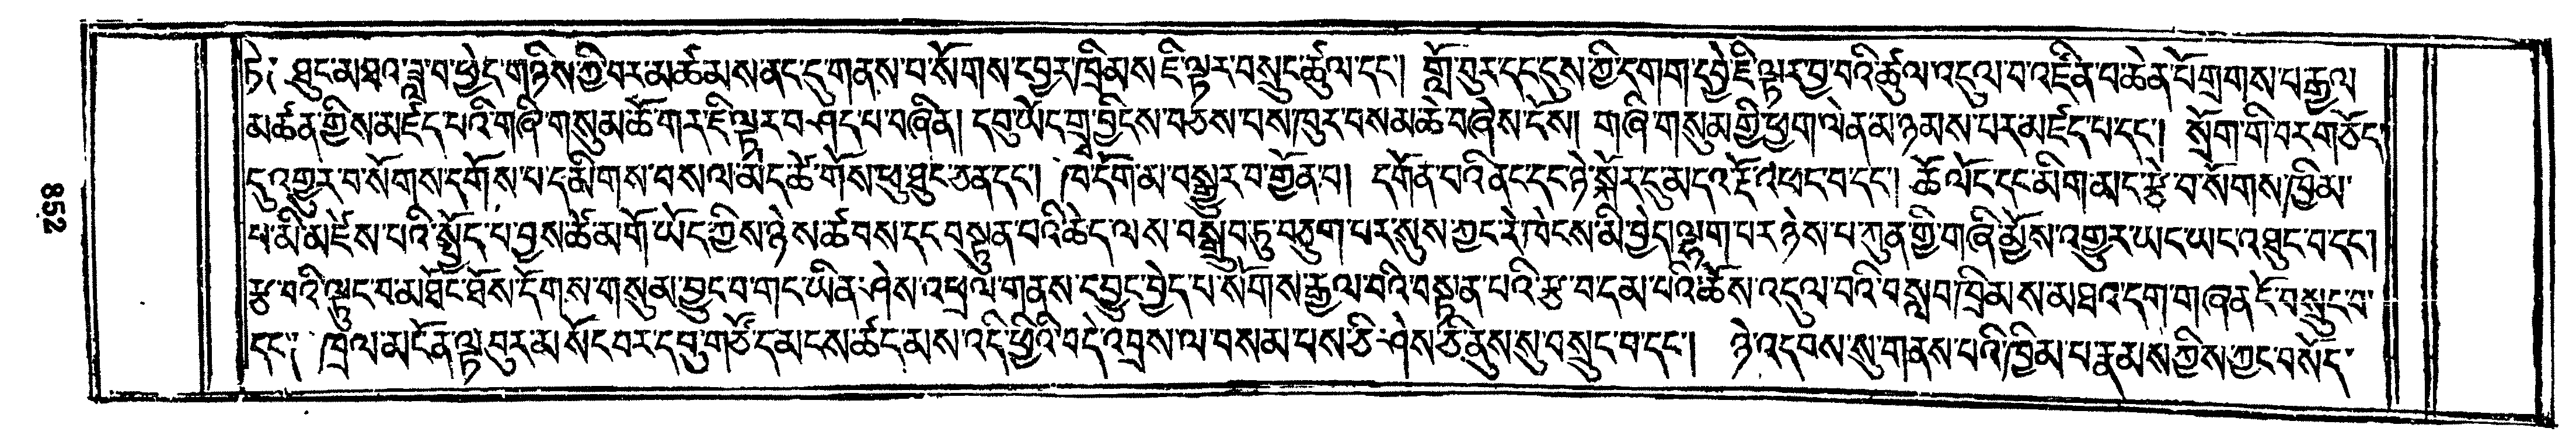ཏེ༑ ཐུང་མཐའ་ཟླ་བ་ཕྱེད་གཉིས་ཀྱི་བར་མཚམས་ནང་དུ་གནས་པ་སོགས་དབྱར་ཁྲིམས་ཇི་ལྟར་བསྲུང་ཚུལ་དང་། གློ་བུར་དང་དུས་ཀྱི་དགག་དབྱེ་ཇི་ལྟར་བྱ་བའི་ཚུལ་འདུལ་བ་འཛིན་པ་ཆེན་པོ་གྲགས་པ་རྒྱལ་
མཚན་གྱིས་མཛད་པའི་གཞི་གསུམ་ཆོ་གར་ཇི་ལྟར་བཤད་པ་བཞིན། དབུ་ཡོད་གྲྭ་བྱིངས་བཅས་པས་ཁུར་བསམ་ཆེ་བཞེས་ངོས། གཞི་གསུམ་གྱི་ཕྱག་ལེན་མ་ཉམས་པར་མཛད་པ་དང་། སྲོག་གི་བར་གཅོད་
དུ་འགྱུར་བ་སོགས་དགོས་པ་དམིགས་བསལ་མེད་ཚེ་གོས་ཕུ་ཐུང་ཅན་དང་། ཁ་དོག་མ་བསྒྱུར་བ་གྱོན་པ། དགོན་པའི་ནང་དང་ཉེ་སྐོར་དུ་མདའ་རྡོ་འཕང་བ་དང་། ཆོ་ལོང་དང་མིག་མང་རྩེ་བ་སོགས་ཁྱིམ་
པ་མི་མཛེས་པའི་སྤྱོད་པ་བྱས་ཚེ་མགོ་ཡོད་ཀྱིས་ཉེས་ཚབས་དང་བསྟུན་པའི་ཆེད་ལས་བསྒྲུབ་ཏུ་བཅུག་པར་སུས་ཀྱང་རེ་ཁེངས་མི་བྱེད། ལྷག་པར་ཉེས་པ་ཀུན་གྱི་གཞི་མྱོས་འགྱུར་ཡང་ཡང་འཐུང་བ་དང་།
རྩ་བའི་ལྟུང་བ་མཐོང་ཐོས་དོགས་གསུམ་བྱུང་བ་གང་ཡིན་ཤེས་འཕྲལ་གནས་དབྱུང་བྱེད་པ་སོགས་རྒྱལ་བའི་བསྟན་པའི་རྩ་བ་དམ་པའི་ཆོས་འདུལ་བའི་བསླབ་ཁྲིམས་མཐའ་དག་གཞན་ངོ་བསྲུང་བ་
དང༑ ཁྲལ་མངོན་ལྟ་བུར་མ་སོང་བར་དབུ་གཙོ་དམངས་ཚང་མས་འདི་ཕྱིའི་བདེ་འབྲས་ལ་བསམ་པས་ཅི་ཤེས་ཅི་ནུས་སུ་བསྲུང་བ་དང་། ཉེ་འདབས་སུ་གནས་པའི་ཁྱིམ་པ་རྣམས་ཀྱིས་ཀྱང་བསོད་